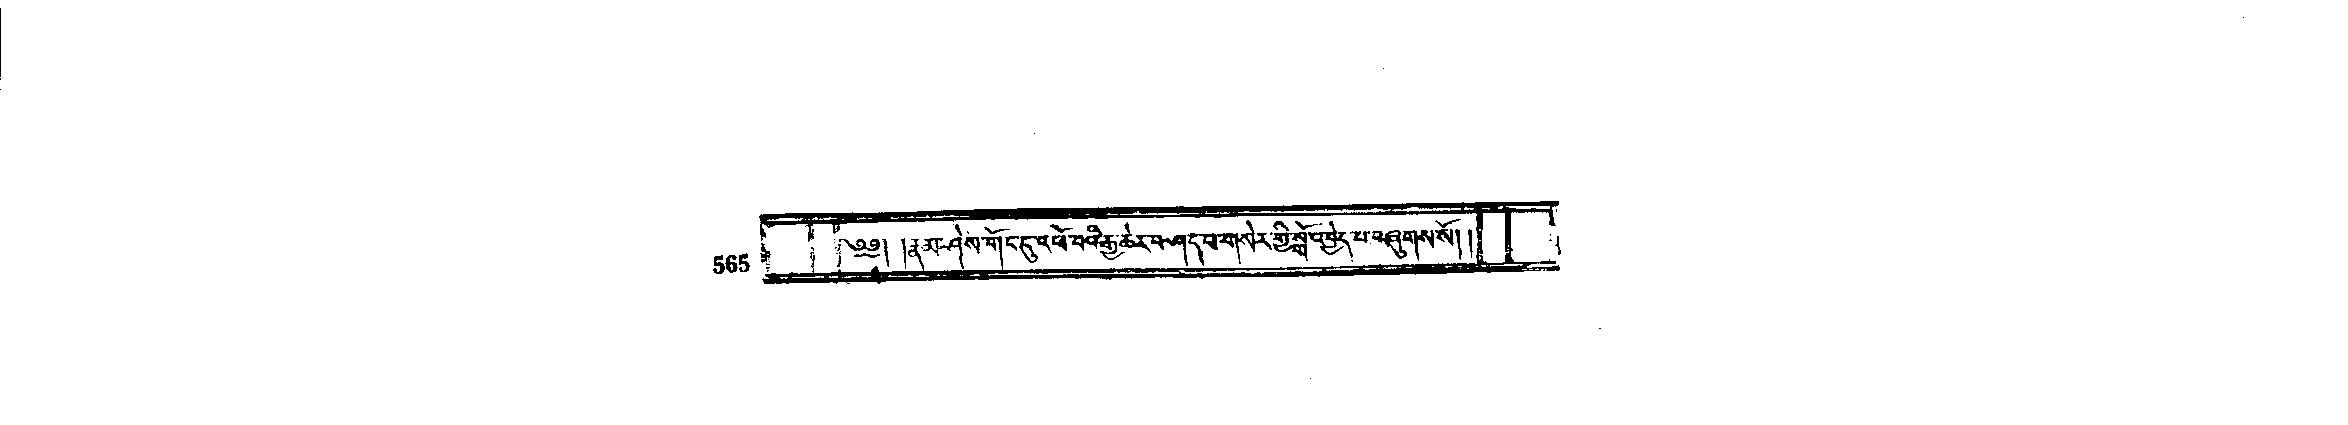༄༅། །རྣམ་ཤེས་གོང་དུ་འཕོ་བའི་རྒྱ་ཆེར་བཤད་པ་གསེར་གྱི་སྒོ་འབྱེད་པ་བཞུགས་སོ། །